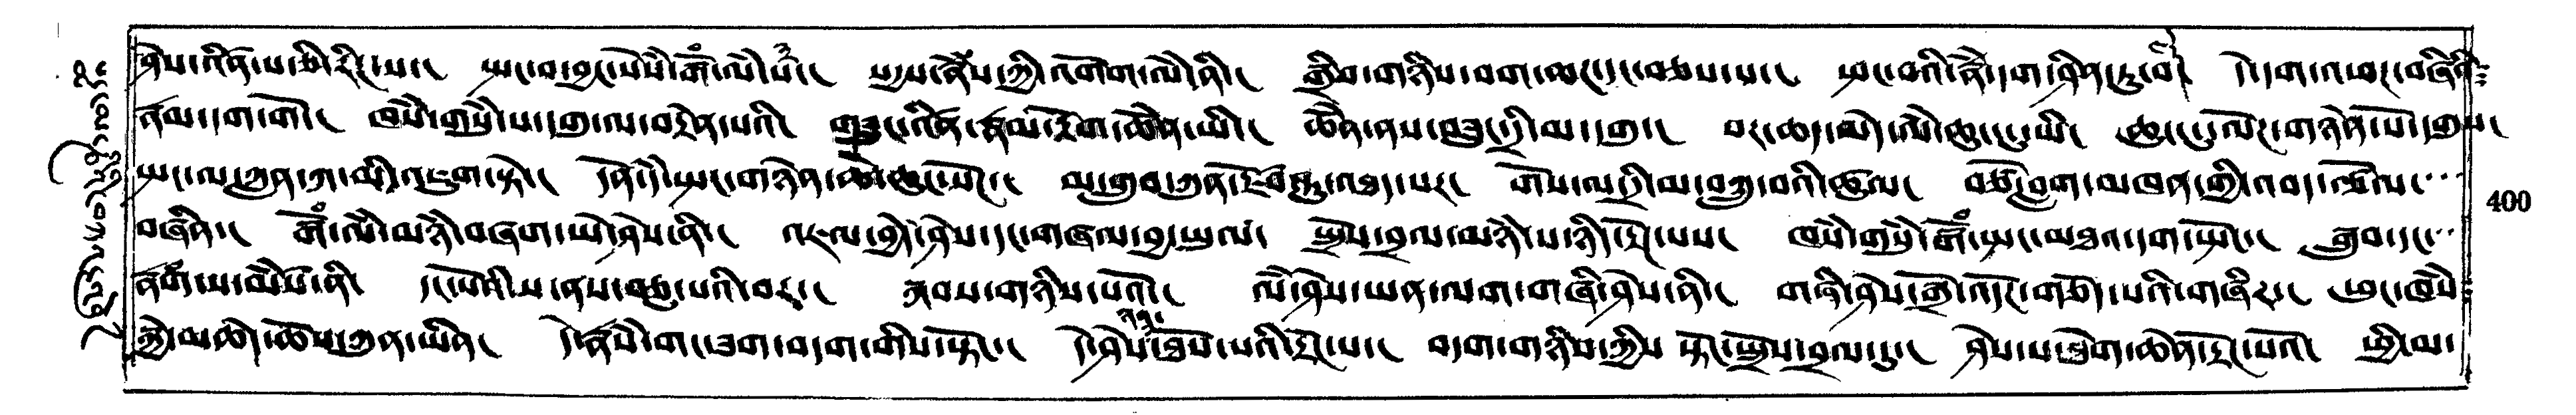ཤེས་འཛིན་པ་ཅི་རིགས་པ། །སྤང་བ་བྱང་སེམས་སྒོམ་ལམ་པ། །སངས་རྒྱས་རྣམས་ཀྱི་འགོག་ལམ་ནི། །སྒྲིབ་གཉིས་བག་ཆགས་དང་བཅས་པ། །སྤངས་བའི་རྣམ་དག་ཤིན་ཏུ་བ། །དེ་དག་འཕགས་བཞིའི་
རྣམ་དག་གོ ཁམས་གསུམ་ས་དགུ་ལ་བརྟེན་པའི། །གཟུང་འཛིན་རྣམ་རྟོག་ཆེན་པོ་ཡི། །ཆེན་པོ་ནས་བཟུང་དྲི་མ་དགུ། །བར་ཆད་མེད་ལམ་ཆུང་ངུ་ཡི། །ཆུང་ངུ་ལ་སོགས་གཉེན་པོ་དགུས། །
སྤང་ལ་ཀླན་ཀ་མི་འཇུག་སྟེ། །དོན་དམ་སྤང་གཉེན་ཆེ་ཆུང་སོགས། །མ་གྲུབ་ཀུན་རྫོབ་ཏུ་འཐད་པར། །གོས་ལ་དྲི་མ་བཀྲུ་བའི་ཚུལ། །བཙོ་བླག་མཁན་གྱི་འབད་རྩོལ་
བཞིན། །སྒོམ་ལམ་མཉམ་བཞག་ཡེ་ཤེས་ནི། །འཇལ་བྱེད་ཤེས་དང་གཞལ་བྱ་ཡུལ། །སྤྲོས་བྲལ་མཉམ་པ་ཉིད་རྟོགས་པས། ཁམས་གསུམ་སྒོམ་སྤང་མཐའ་དག་སྤོང་། །སྒྲུབ་དང་
རྣམ་དག་ས་མཚམས་ནི། །དང་པོའི་ས་ནས་བཅུ་པའི་བར། སྐབས་གཉིས་པའོ།།ལམ་ཤེས་ཡན་ལག་གཞི་ཤེས་ནི། །གཞི་ཤེས་སྒྲོ་འདོགས་གཅོད་པའི་གཞིར། །ཕུང་ཁམས་
སྐྱེ་མཆེད་ཆོས་ཀུན་ཡིན། །དེ་རྣམས་གང་ཟག་བདག་གིས་སྟོང་། །དེ་ཤེས་ཉན་ཐོས་པའི་རྟོགས་པ། །བདག་གཉིས་ཀྱིས་སྟོང་སྤྲོས་བྲལ་དུ། །ཤེས་པ་ཐེག་ཆེན་རྟོགས་པའོ། །ཕྱི་མ་